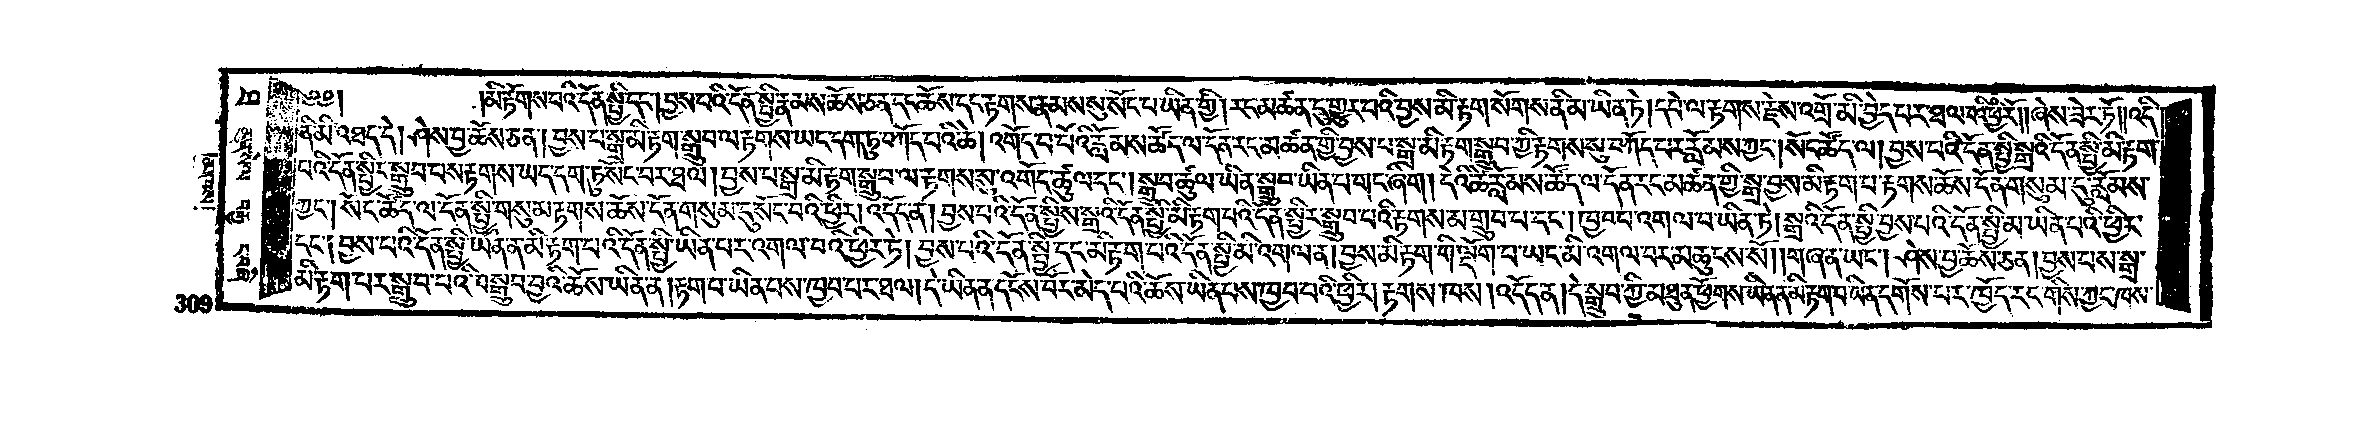༄༅། །མི་རྟགས་པའི་དོན་སྤྱི་དང་། བྱས་པའི་དོན་སྤྱི་རྣམས་ཆོས་ཅན་དང་ཆོས་དང་རྟགས་རྣམས་སུ་སོང་བ་ཡིན་གྱི། རང་མཚན་དུ་གྱུར་པའི་བྱས་མི་རྟག་སོགས་ནི་མ་ཡིན་ཏེ། དཔེ་ལ་རྟགས་རྗེས་འགྲོ་མི་བྱེད་པར་ཐལ་བའི་ཕྱིར་རོ། །ཞེས་ཟེར་ཏོ། །འདི་
ནི་མི་འཐད་དེ། ཤེས་བྱ་ཆོས་ཅན། བྱས་པ་སྒྲ་མི་རྟག་སྒྲུབ་ལ་རྟགས་ཡང་དག་ཏུ་བཀོད་པའི་ཚེ། འགོད་པ་པོའི་རློམས་ཚོད་ལ་དོན་རང་མཚན་གྱི་བྱས་པ་སྒྲ་མི་རྟག་སྒྲུབ་ཀྱི་རྟགས་སུ་བཀོད་པར་རློམས་ཀྱང་། སོང་ཚོད་ལ། བྱས་པའི་དོན་སྤྱི་སྒྲའི་དོན་སྤྱི་མི་རྟག་
པའི་དོན་སྤྱིར་སྒྲུབ་པས་རྟགས་ཡང་དག་ཏུ་སོང་བར་ཐལ། བྱས་པ་སྒྲ་མི་རྟག་སྒྲུབ་ལ་རྟགས་སུ་འགོད་ཚུལ་དང་། སྒྲུབ་ཚུལ་ཡིན་སྒྲུབ་ཡིན་པ་གང་ཞིག །དེའི་ཚེ་རློམས་ཚོད་ལ་དོན་རང་མཚན་གྱི་སྒྲ་བྱས་མི་རྟག་པ་རྟགས་ཆོས་དོན་གསུམ་དུ་རློམས་
ཀྱང་། སོང་ཚོད་ལ་དོན་སྤྱི་གསུམ་རྟགས་ཆོས་དོན་གསུམ་དུ་སོང་བའི་ཕྱིར། འདོད་ན། བྱས་པའི་དོན་སྤྱིས་སྒྲའི་དོན་སྤྱི་མི་རྟག་པའི་དོན་སྤྱིར་སྒྲུབ་པའི་རྟགས་མ་གྲུབ་པ་དང་། ཁྱབ་པ་འགལ་བ་ཡིན་ཏེ། སྒྲའི་དོན་སྤྱི་བྱས་པའི་དོན་སྤྱི་མ་ཡིན་པའི་ཕྱིར་
དང་༑བྱས་པའི་དོན་སྤྱི་ཡིན་ན་མི་རྟག་པའི་དོན་སྤྱི་ཡིན་པར་འགལ་བའི་ཕྱིར་ཏེ། བྱས་པའི་དོན་སྤྱི་དང་མི་རྟག་པའི་དོན་སྤྱི་མི་འགལ་ན། བྱས་མི་རྟག་གི་ལྡོག་པ་ཡང་མི་འགལ་བར་མཚུངས་སོ། །གཞན་ཡང་། ཤེས་བྱ་ཆོས་ཅན། བྱས་པས་སྒྲ་
མི་རྟག་པར་སྒྲུབ་པའི་བསྒྲུབ་བྱའི་ཆོས་ཡིན་ན། རྟག་པ་ཡིན་པས་ཁྱབ་པར་ཐལ། དེ་ཡིན་ན་དངོས་པོར་མེད་པའི་ཆོས་ཡིན་པས་ཁྱབ་པའི་ཕྱིར། རྟགས་ཁས། འདོད་ན། དེ་སྒྲུབ་ཀྱི་མཐུན་ཕྱོགས་ཡིན་ན་མི་རྟག་པ་ཡིན་དགོས་པར་ཁྱོད་རང་གིས་ཀྱང་ཁས་